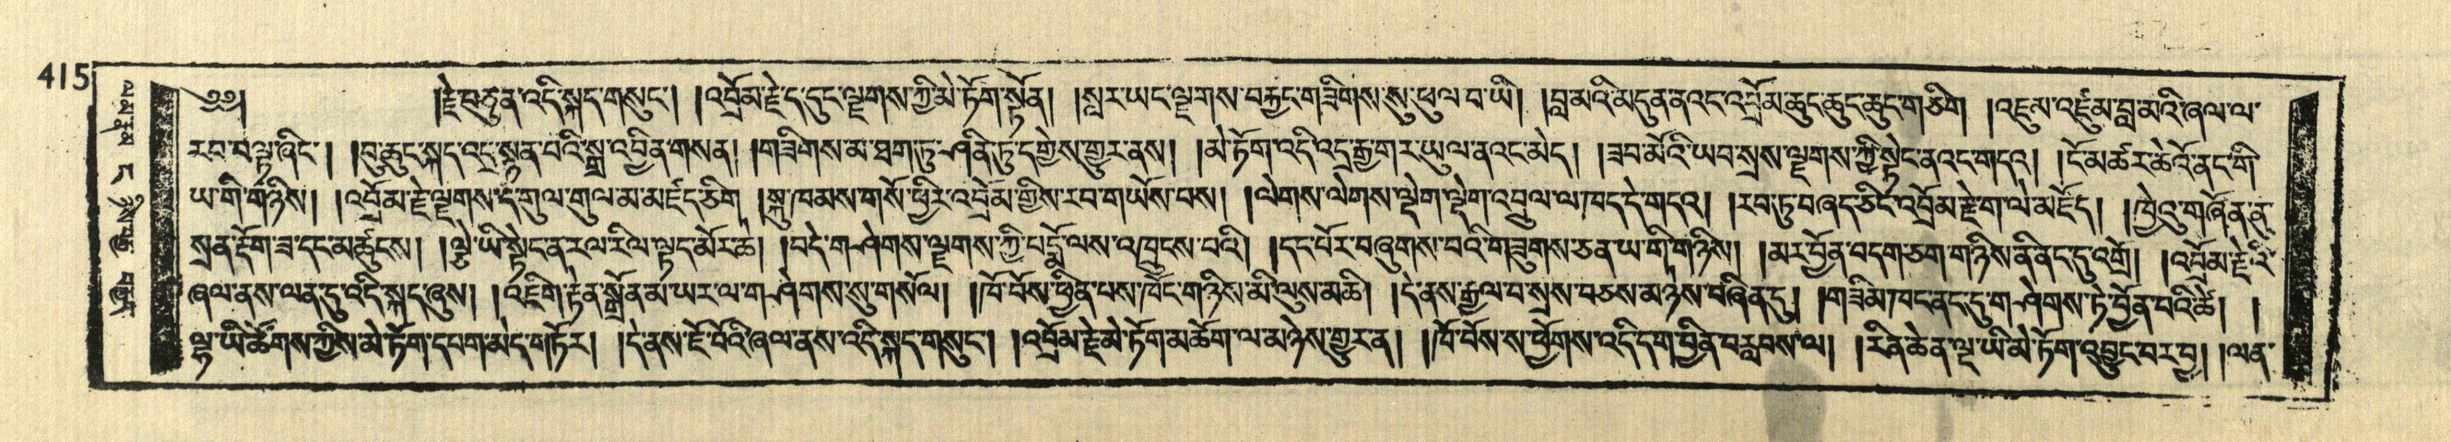༄༅། །རྗེ་བཙུན་འདི་སྐད་གསུང་། །འབྲོམ་རྗེ་ད་དུང་ལྗགས་ཀྱི་མེ་ཏོག་སྟོན། །སླར་ཡང་ལྗགས་བརྐྱང་གཟིགས་སུ་ཕུལ་བ་ཡི། བླ་མའི་མདུན་ནའང་འབྲོམ་ཆུང་ཆུང་ཆུང་གཅིག །འཇུམ་འཛུམ་བླ་མའི་ཞལ་ལ་
རབ་ལྟ་ཞིང་། །བུ་ཆུང་སྐད་འདྲ་སྙམ་པའི་སྒྲ་འབྱིན་གསན། །གཟིགས་མ་ཐག་ཏུ་ཤིན་ཏུ་དགྱེ་སྒྱུར་ནས། །མེ་ཏོག་འདི་འདྲ་རྒྱ་གར་ཡུལ་ནའང་མེད། །ཟབ་མོའི་ཡབ་སྲས་ལྗགས་ཀྱི་སྟེང་ནའང་གདའ། །ངོ་མཚར་ཆེའོ་ནང་གི་
ཡ་གི་གཉིས། །འབྲོམ་རྗེ་ལྗགས་དགུལ་གུལ་མ་མཛད་ཅིག །སྐུ་ཁམས་གསོ་ཕྱིར་འབྲོམ་གྱིས་རབ་གཡོས་པས། །ལེགས་ལེགས་ལྡེག་ལྡེག་འབྲུལ་ལ་ཁང་དེ་གདའ། །རབ་ཏུ་བཞད་ཅིང་འབྲོམ་རྗེ་ག་ལེ་མཇོད། །ཁྱེའུ་གཞོན་ནུ་
སྲན་རྡོག་ཟ་དང་མཚུངས། །ལྕེ་ཡི་སྟེང་ན་རལ་རིལ་ལྟད་མོར་ཆེ། །བདེ་གཤེགས་ལྗགས་ཀྱི་པདམོ་ལས་འཁྲུངས་བའི། །དང་པོར་བཞུགས་བའི་གཟུགས་ཅན་ཡ་གི་གཉིས། །མར་བྱོན་བདག་ཅག་གཉིས་ནི་ནང་དུ་འགྲོ། །འབྲོམ་རྗེའི་
ཞལ་ནས་ལན་དུ་འདི་སྐད་ཞུས། །འཇིག་རྟེན་སྒྲོན་མ་ཡར་ལ་གཤེགས་སུ་གསོལ། །ཁོ་བོས་ཕྱིན་པས་ཁོང་གཉིས་མི་ལུས་མཆི། །དེ་ནས་རྒྱལ་བ་སྲས་བཅས་མཉེས་བཞིན་དུ། །གཟིམ་ཁང་ནང་དུ་གཤེགས་ཏེ་བྱོན་པའི་ཚེ། །
ལྷ་ཡི་ཚོགས་ཀྱིས་མེ་ཏོག་དཔག་མེད་གཏོར། །དེ་ནས་ཇོ་བོའི་ཞལ་ནས་འདི་སྐད་གསུང་། འབྲོམ་རྗེ་མེ་ཏོག་མཆོག་ལ་མཉེས་གྱུར་ན། །ཁོ་བོས་ས་ཕྱོགས་འདི་དག་བྱིན་བརླབས་ལ། །རིན་ཆེན་ལྔ་ཡི་མེ་ཏོག་འབྱུང་བར་བྱ། །ལན་